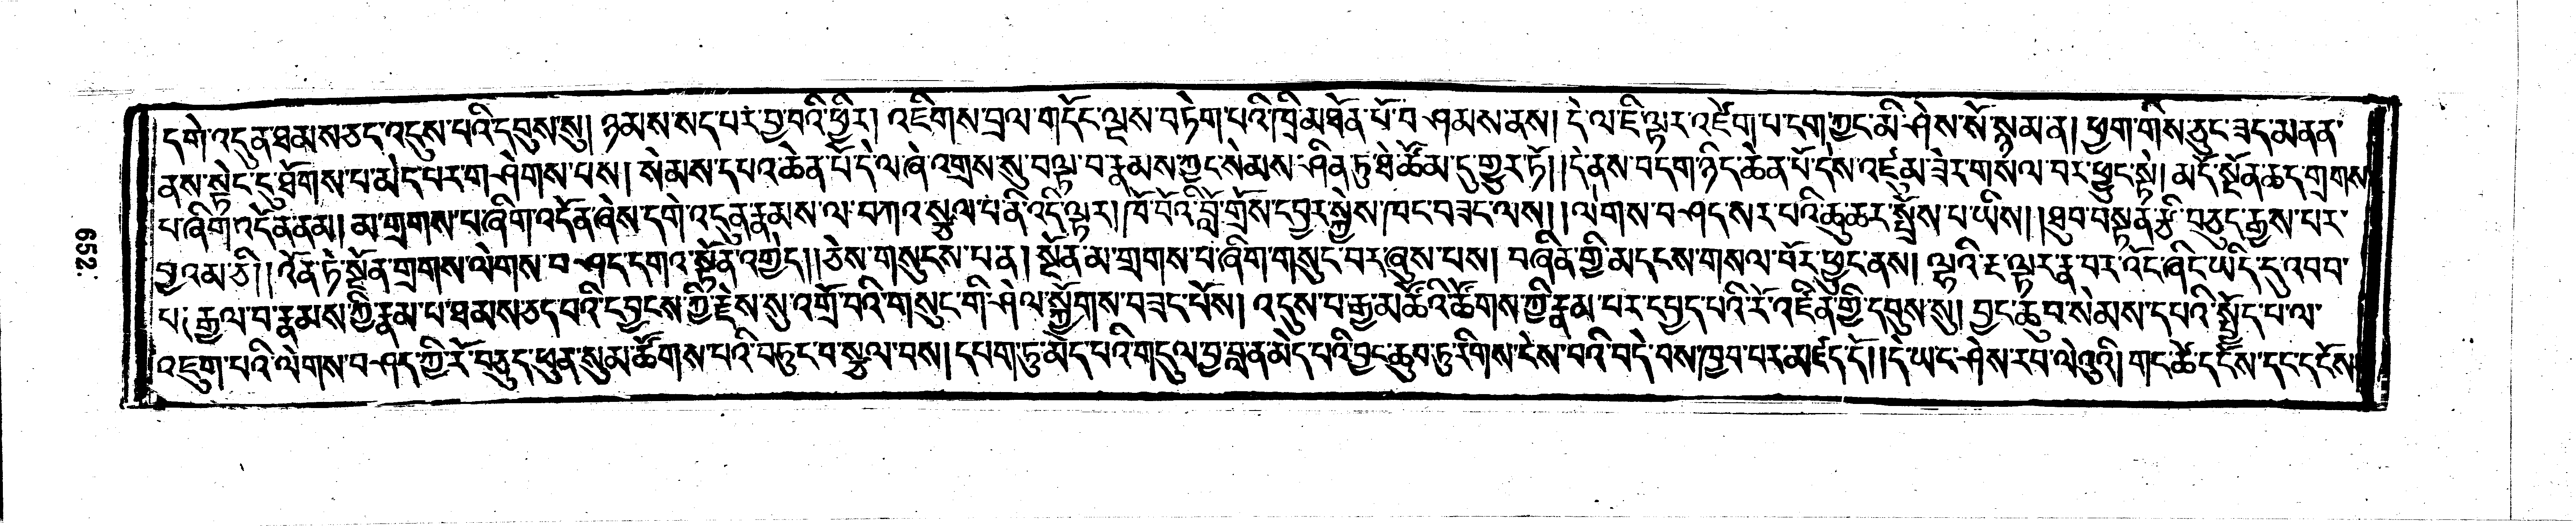དགེ་འདུན་ཐམས་ཅད་འདུས་པའི་དབུས་སུ། ཉམས་སད་པར་བྱ་བའི་ཕྱིར། འཇིགས་བྲལ་གདོང་ལྔས་བཏེག་པའི་ཁྲི་མཐོན་པོ་བཤམས་ནས། དེ་ལ་ཇི་ལྟར་འཛེག་པ་དག་ཀྱང་མི་ཤེས་སོ་སྙམ་ན། ཕྱག་གིས་ཅུང་ཟད་མནན་
ནས་སྟེང་དུ་ཐོགས་པ་མེད་པར་གཤེགས་པས། སེམས་དཔའ་ཆེན་པོ་དེ་ལ་ཞེ་འབྲས་སུ་བལྟ་བ་རྣམས་ཀྱང་སེམས་ཤིན་ཏུ་ཐེ་ཚོམ་དུ་གྱུར་ཏོ། །དེ་ནས་བདག་ཉིད་ཆེན་པོ་དེས་འཛུམ་ཟེར་གསལ་བར་ཕྱུང་སྟེ། མདོ་སྔོན་ཆད་གྲགས་
པ་ཞིག་འདོན་ནམ། མ་གྲགས་པ་ཞིག་འདོན་ཞེས་དགེ་འདུན་རྣམས་ལ་བཀའ་སྩལ་པ་ནི་འདི་ལྟར། ཁོ་བོའི་བློ་གྲོས་དབྱར་སྐྱེས་ཁང་བཟང་ལས། །ལེགས་བཤད་སར་པའི་ཆུ་ཆར་སྤྲོས་པ་ཡིས། །ཐུབ་བསྟན་རྩི་བཅུད་རྒྱས་པར་
བྱའམ་ཅི། །འོན་ཏེ་སྔོན་གྲགས་ལེགས་བཤད་དགའ་སྟོན་འགྱེད། །ཅེས་གསུངས་པ་ན། སྔོན་མ་གྲགས་པ་ཞིག་གསུང་བར་ཞུས་པས། བཞིན་གྱི་མདངས་གསལ་པོར་ཕྱུང་ནས། ལྷའི་རྔ་ལྟར་རྣ་བར་འོང་ཞིང་ཡིད་དུ་འབབ་
པ། རྒྱལ་བ་རྣམས་ཀྱི་རྣམ་པ་ཐམས་ཅད་པའི་དབྱངས་ཀྱི་རྗེས་སུ་འགྲོ་བའི་གསུང་གི་ཤེལ་སྐྱོགས་བཟང་པོས། འདུས་པ་རྒྱ་མཚོའི་ཚོགས་ཀྱི་རྣམ་པར་དཔྱད་པའི་རོ་འཛིན་གྱི་དབུས་སུ། བྱང་ཆུབ་སེམས་དཔའི་སྤྱོད་པ་ལ་
འཇུག་པའི་ལེགས་བཤད་ཀྱི་རོ་བཅུད་ཕུན་སུམ་ཚོགས་པའི་བཏུང་བ་སྩལ་བས། དཔག་ཏུ་མེད་པའི་གདུལ་བྱ་བླ་ན་མེད་པའི་བྱང་ཆུབ་ཏུ་རིགས་ངེས་པའི་བདེ་བས་ཁྱབ་པར་མཛད་དོ། །དེ་ཡང་ཤེས་རབ་ལེའུའི། གང་ཚེ་དངོས་དང་དངོས་